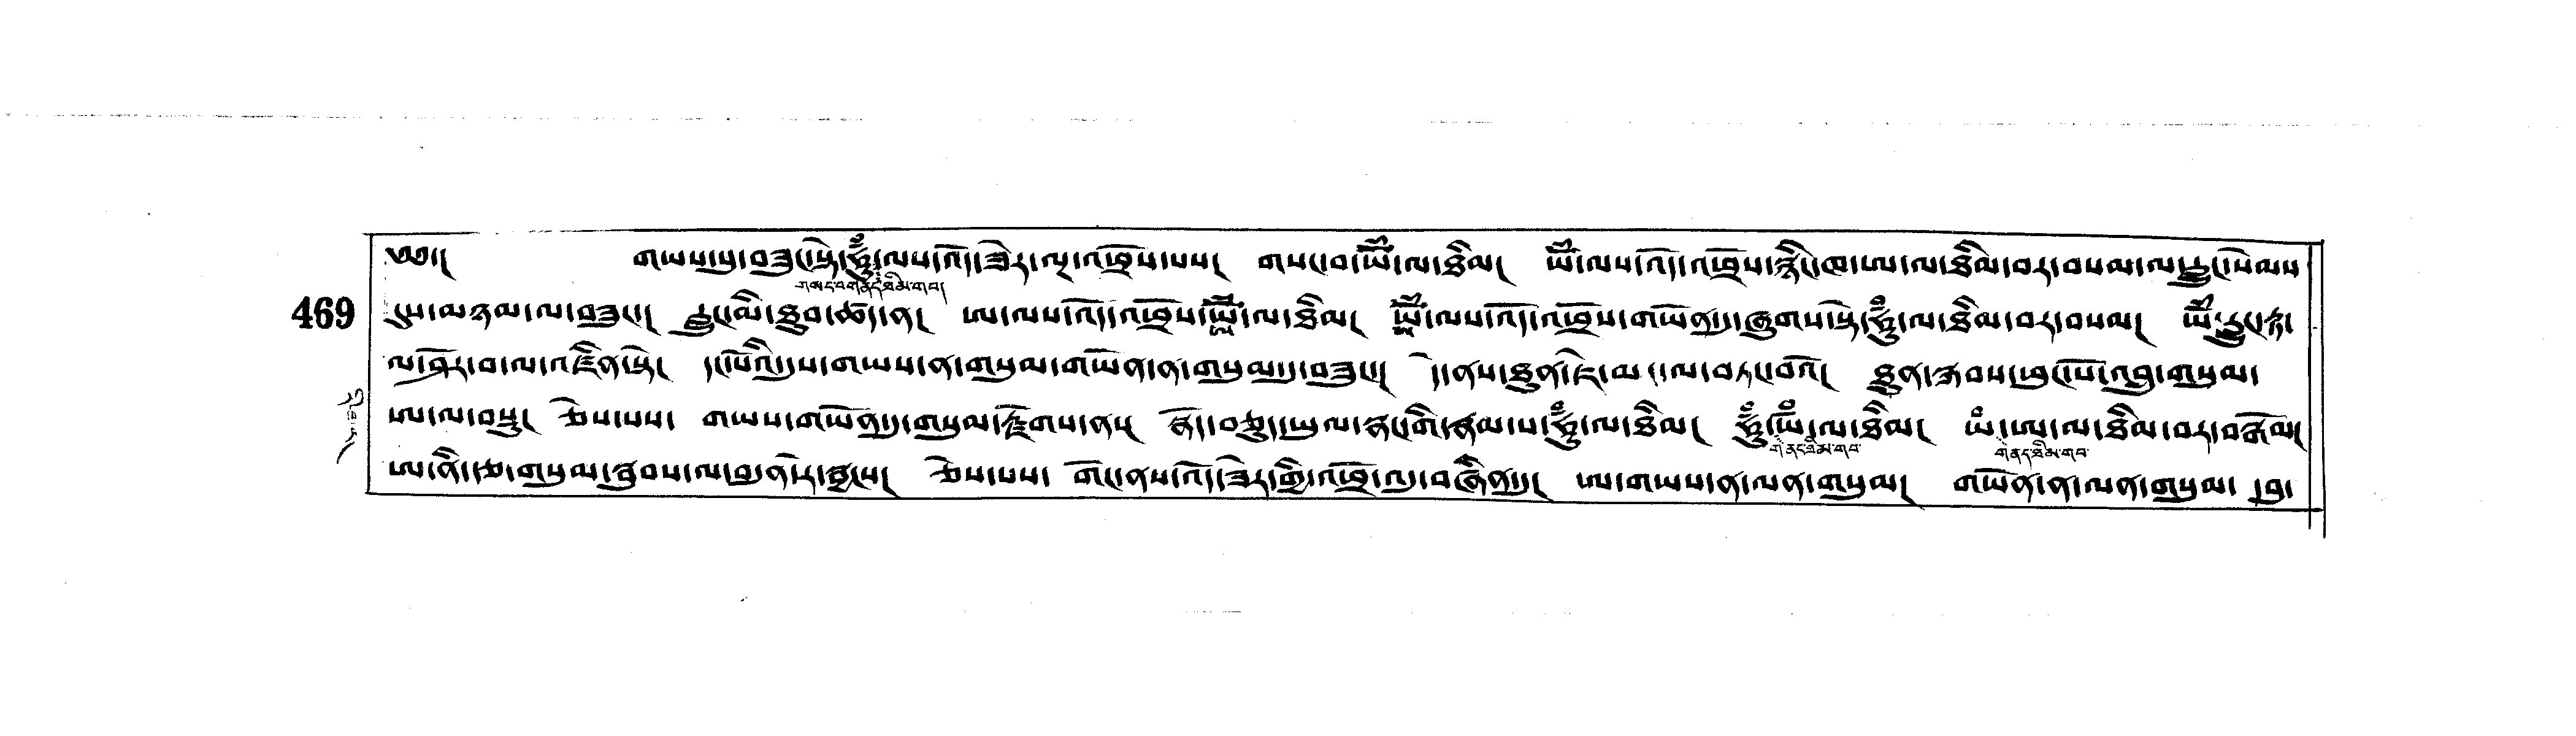གཡས་སུ་བཟུང་སྟེ་ཧཱུཾ་ལས་འོད་ཟེར་ལྔ་འཕྲོ་པས། གསང་བ་ཡཾ་ལ་ཐིམ། ཡཾ་ལས་འོད་འཕྲོས་སྙིང་ཁ་ཨ་ལ་ཐིམ་པར་བསམ་ལ་རླུང་སེམས་
དུས་མཉམ་ལ་བཟུང་། རླུང་མི་ཐུབ་ཚད་ན། ཨ་ལས་འོད་འཕྲོས་ཨཱོྃ་ལ་ཐིམ། ཨཱོྃ་ལས་འོད་འཕྲོས་གཡོན་དུ་ཞུགས་ཏེ་ཧཱུཾ་ལ་ཐིམ་པར་བསམ་ལ་རླུང་སེམས་དུས་མཉམ་ལ་བཟུང་། ཡཾ་རླུང་རྟ་
ལ་ཤོར་བ་ལ་འཛིན་ཏེ། དང་པོའི་དུས་གཡས་ན་གསུམ་གཡོན་ན་གསུམ་དུ་བཟུང་། དེ་ནས་ཐུན་ཇེ་མང་ལ་བཏང་བའོ། ཐུན་སྐབས་ཕུང་པོ་འབྲུ་གསུམ་
ཨ་ལ་བསྡུ། ཅེས་པས། གཡས་གཡོན་དུ་གསུམ་རྫོགས་ནས། སྣོད་བཅུད་ཡུལ་སྣང་གི་རྣམ་པ་ཧཱུཾ་ལ་ཐིམ། ཧཱུཾ་ཡཾ་ལ་ཐིམ། ཡཾ་ཨ་ལ་ཐིམ་པར་བསྒོམ། 
ཨ་ནི་རྩ་གསུམ་སྦུབས་ལ་བདུན་རེ་སྦྱངས། ཅེས་པས། གོང་ནས་འོད་ཟེར་གྱི་འཕྲོ་འདུ་བཞིན་དུ། ཨ་གཡས་ན་ལན་གསུམ། གཡོན་ན་ལན་གསུམ། དབུ་